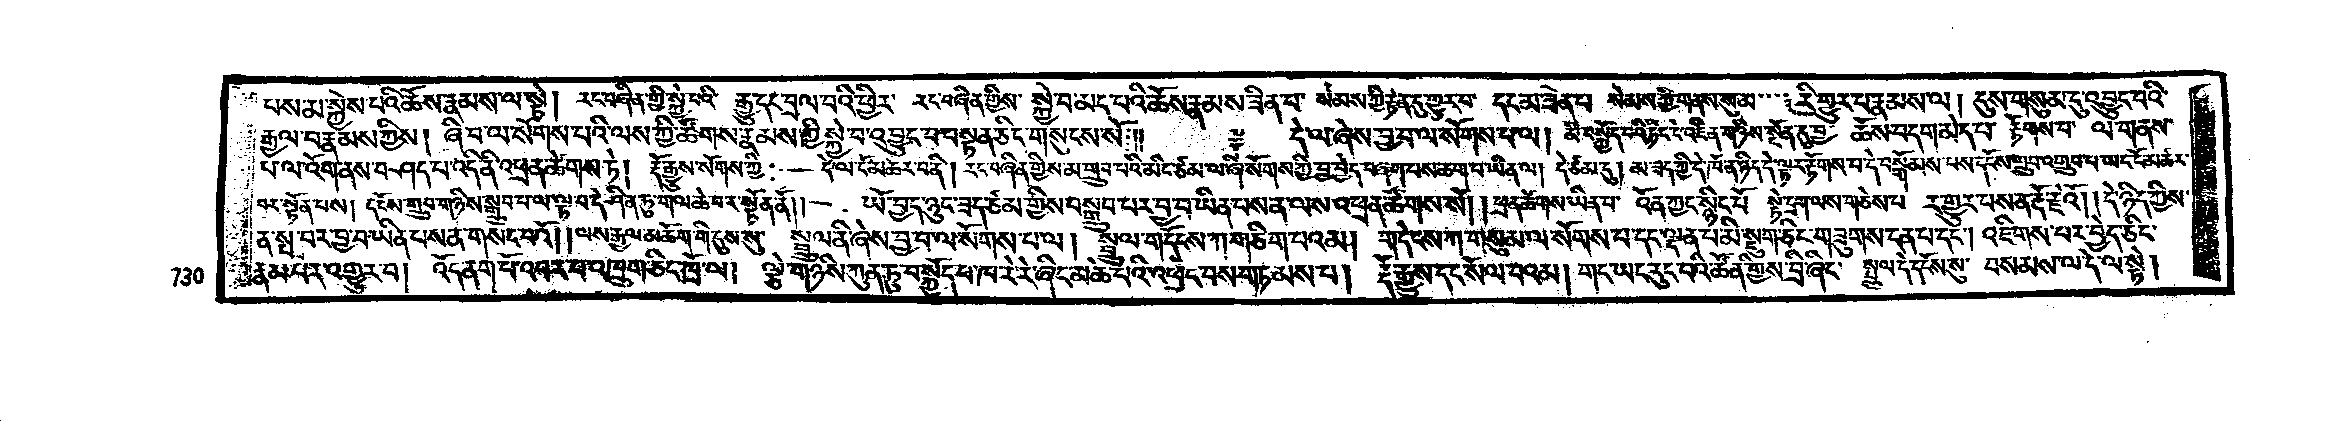བསམ་སྐྱེས་པའི་ཆོས་རྣམས་ལ་སྟེ། རང་བཞིན་གྱི་སྐྱེ་བའི་རྒྱུ་དང་བྲལ་བའི་ཕྱིར་རང་བཞིན་གྱིས་སྐྱེ་བ་མེད་པའི་ཆོས་རྣམས་ཟིན་པ་སེམས་ཀྱི་རྟེན་དུ་གྱུར་པ་དང་མ་ཟིན་པ་སེམས་ཀྱི་གནས་སུ་མ་རི་འགྱུར་པ་རྣམས་ལ། དུས་གསུམ་དུ་འབྱུང་བའི་
རྒྱལ་བ་རྣམས་ཀྱིས། ཞི་བ་ལ་སོགས་པའི་ལས་ཀྱི་ཚོགས་རྣམས་ཀྱི་སྐྱེ་བ་འབྱུང་བ་བསྟན་ཅིང་གསུངས་སོ།། ༈ དེ་ལ་ཞེས་བྱ་བ་ལ་སོགས་པ་ལ། མི་བསྐྱོད་པའི་ཏིང་ངེ་འཛིན་གཉིས་སྔོན་དུ་བྱ་ཆོས་བདག་མེད་པ་རྟོགས་པ་ལ་གནས་
པ་ལ་འོག་ནས་བཤད་པ་འདི་ནི་འཕྲན་ཚེགས་ཏེ། རྡོ་རྒྱུས་སོགས་ཀྱི་H.་དེ་ལ་ངོ་མཚར་བ་ནི། རང་བཞིན་གྱིས་མ་གྲུབ་པའི་མིང་ཙམ་ལ་ཞི་སོགས་ཀྱི་བྱ་བྱེད་བཞག་པས་ཆག་པ་ཡིན་ལ། དེ་ཙམ་དུ། མ་ཟད་ཀྱི་དེ་ཁོ་ན་ཉིད་དེ་ལྟར་རྟོགས་པ་དེ་བསྒོམས་པས་དངོས་གྲུབ་འགྲུབ་པ་ཡང་ངོ་མཚར་
བར་སྟོན་པས། དངོས་གྲུབ་གཉིས་སྒྲུབ་པ་ལ་ལྟ་བ་དེ་ཤིན་ཏུ་གལ་ཆེ་བར་སྟོན་ནོ།། .H ཡོ་བྱད་ཉུང་ཟད་ཙམ་གྱིས་བསྒྲུབ་པར་བྱ་བ་ཡིན་པས་ན་ལས་འཕྲན་ཚོགས་སོ། ། ཕྲན་ཚེགས་ཡིན་པ་འོན་ཀྱང་སྙིང་པོ་སྟེ་དྲག་ལས་གཅེས་པ་ར་གྱུར་པས་ན་རྡོ་རྗེའོ། །དེ་ཉིད་ཀྱིས་
ན་སྦ་བར་བྱ་བ་ཡིན་པས་ན་གསང་བའོ། ། ལས་རྒྱལ་མཆོག་གི་དུས་སུ་སྦྲུལ་ནི་ཞེས་བྱ་བ་ལ་སོགས་པ་ལ། སྦྲུལ་གདེངས་ཀ་གཅིག་པའམ། གདེངས་ཀ་གསུམ་ལ་སོགས་པ་དང་ལྡན་པ་མི་སྡུག་ཅིང་གཟུགས་ངན་པ་དང་། འཇིགས་པར་བྱེད་ཅིང་
རྣམ་པར་འགྱུར་བ། འོད་ནག་པོ་འབར་བ་འཁྲུག་ཅིང་ཁྲོ་ལ། ལྕེ་གཉིས་ཀུན་ཏུ་བསྐྱོད་པ་ཁ་རེ་རེ་ཞིང་མཆེ་བའི་འཕྲེང་བས་གཏམས་པ། རྡོ་རྒྱུས་དང་སོལ་བའམ། གང་ཡང་རུང་བའི་ཚོན་གྱིས་བྲི་ཞིང་སྤྲུལ་དེ་དངོས་སུ་བསམས་ལ་དེ་ལ་སྟེ།